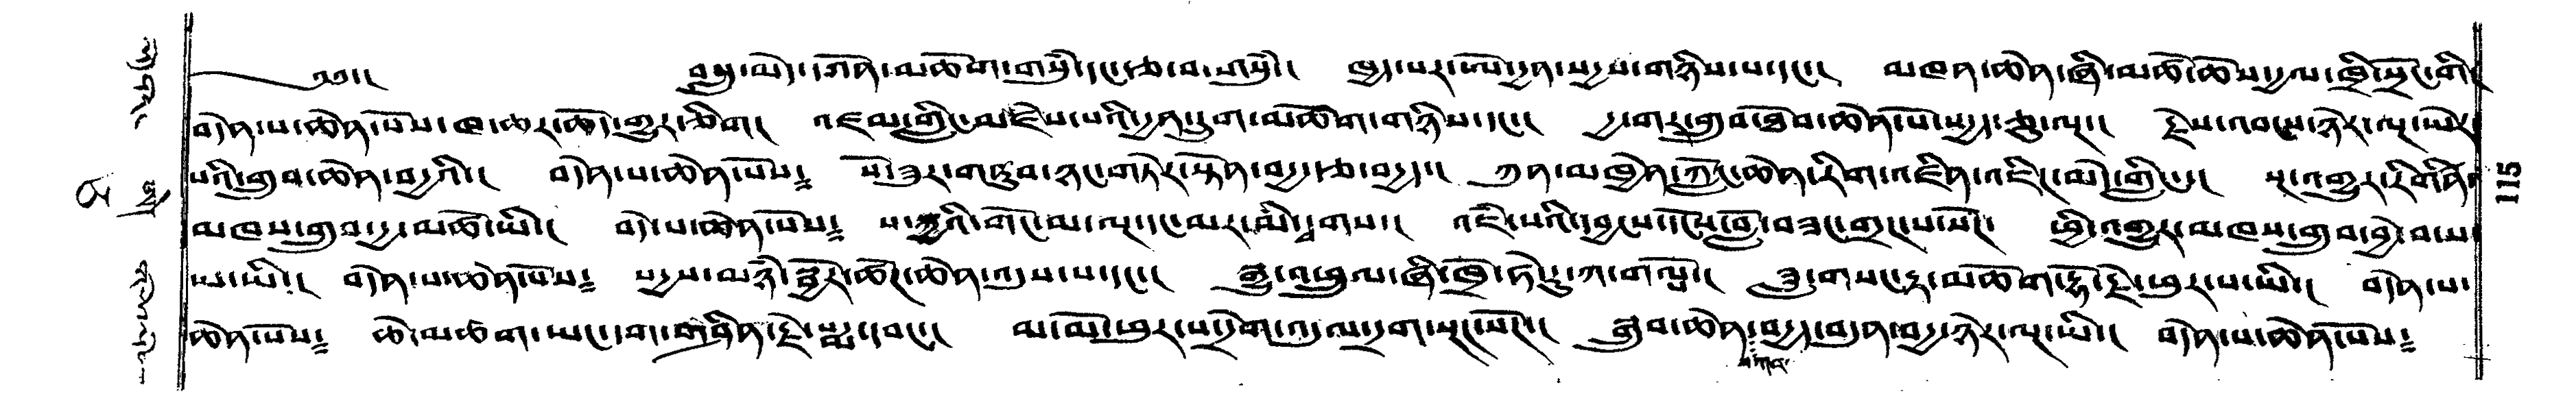༄༅། བསླུ་མེད་དཀོན་མཆོག་གསུམ་དང་རྩ་བ་གསུམ། ཁྱད་པར་ཨོ་རྒྱན་སངས་རྒྱས་གཉིས་པ་དང་། །མཁན་ཆེན་ཞི་མཚོ་ཆོས་རྒྱལ་ཁྲི་སྲོང་གི །
བདེན་པ་ཆེན་པོས་ཁ་ཆར་ཆོད་གྱུར་ཅིག །འཛམ་གླིང་མཛེས་པའི་རྒྱན་དྲུག་མཆོག་གཉིས་དང་། །རྒྱ་གར་གྲུབ་ཐོབ་ཆེན་པོ་བརྒྱད་ཅུ་ལྔ། །རྗེ་འབངས་ཉེར་ལྔ་ཡེར་
པའི་གྲུབ་ཆེན་བརྒྱའི། །བདེན་པ་ཆེན་པོས༴སོ་ཟུར་གནུབས་ཉང་གཏེར་སྟོན་བརྒྱ་རྩ་བརྒྱད། །ཀུན་མཁྱེན་ཀློང་ཆེན་རིག་འཛིན་འཇིགས་མེད་གླིང་། །སྔ་འགྱུར་རིག་འཛིན་
མཁས་གྲུབ་རྒྱ་མཚོ་ཡི། །བདེན་པ་ཆེན་པོས༴ ས་སྐྱའི་གོང་མ་ལྔ་དང་མར་མི་དྭགས། །འཇམ་པའི་དབྱངས་དངོས་བློ་བཟང་གྲགས་པ་སོགས། །ཕྱི་འགྱུར་མཁས་གྲུབ་བྱེ་བ་ས་
ཡ་ཡི། །བདེན་པ་ཆེན་པོས༴ སངས་རྒྱས་མཉམ་སྦྱོར་ཚོགས་ཆེན་འདུས་པ་དང་། །སྒྱུ་འཕྲུལ་ཞི་ཁྲོ་ཧེ་རུ་ཀ་གལྤོ། །ཟླ་གསང་རྟ་མཆོག་རྡོ་རྗེ་ཕུར་པ་ཡི། །བདེན་པ་
ཆེན་པོས༴ ཆེ་མཆོག་ཡང་དག་གཤིན་རྗེ་པདྨ་དབང་། །མ་མོ་ཕུར་པ་དྲེགས་འདུལ་དྲག་སྔགས་སོགས། །སྒྲུབ་ཆེན་བཀའ་བརྒྱད་བདུན་བརྒྱ་ཉེར་ལྔ་ཡི། །བདེན་པ་ཆེན་པོས༴